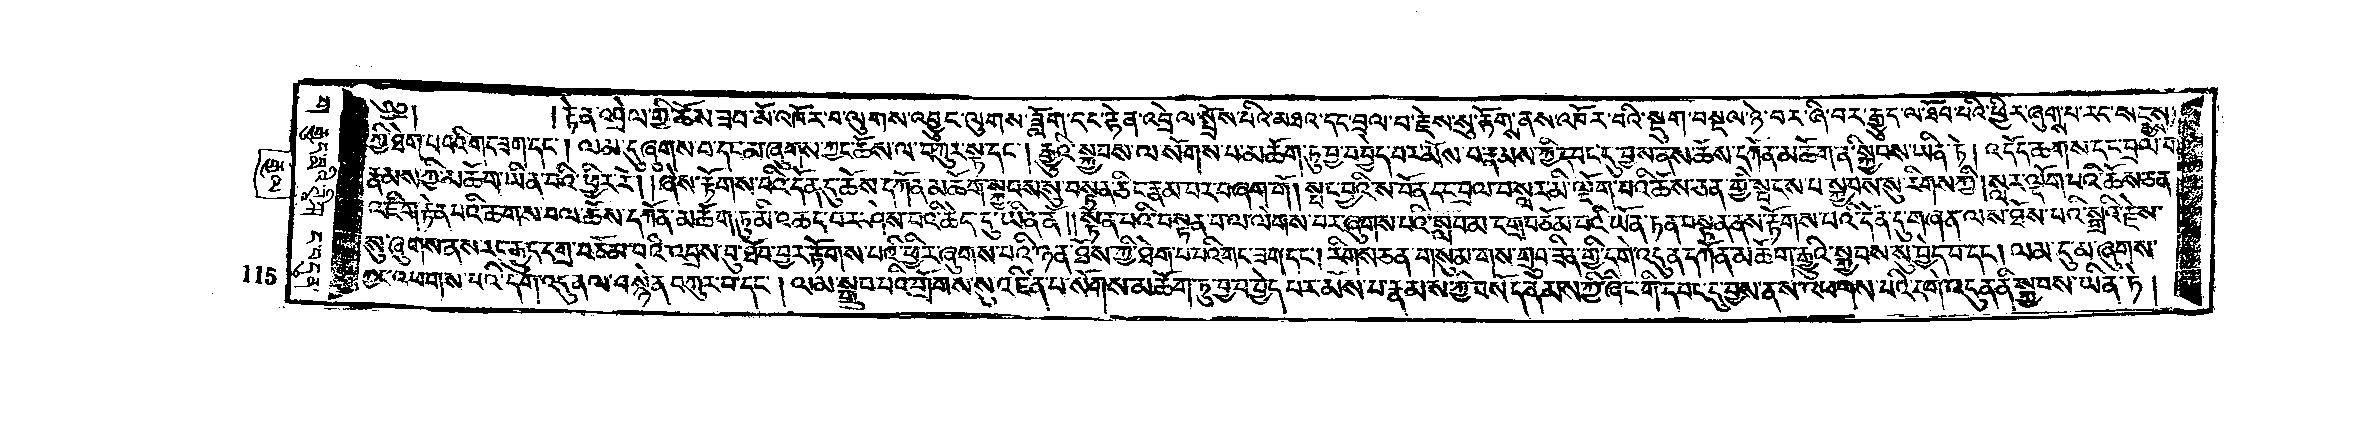༄༅། །རྟེན་འབྲེལ་གྱི་ཆོས་ཟབ་མོ་འཁོར་བ་ལུགས་འབྱུང་ལུགས་ཟློག་དང་རྟེན་འབྲེལ་སྤྲོས་པའི་མཐའ་དང་བྲལ་བ་རྗེས་སུ་རྟོགས་ནས་འཁོར་བའི་སྡུག་བསྔལ་ཉེ་བར་ཞི་བར་རྒྱུད་ལ་ཐོབ་པའི་ཕྱིར་ཞུགས་པ་རང་སངས་རྒྱས་
ཀྱི་ཐེག་པ་བའི་གང་ཟག་དང་། ལམ་དུ་ཞུགས་པ་དང་མ་ཞུགས་ཀྱང་ཆོས་ལ་བཀུར་སྟ་དང་། རྒྱུའི་སྐྱབས་ལ་སོགས་པ་མཆོག་ཏུ་བྱ་བ་བྱེད་པར་མོས་པ་རྣམས་ཀྱི་དབང་དུ་བྱས་ནས་ཆོས་དཀོན་མཆོག་ནི་སྐྱབས་ཡིན་ཏེ། འདོད་ཆགས་དང་བྲལ་བ་
རྣམས་ཀྱི་མཆོག་ཡིན་པའི་ཕྱིར་རོ། །ཞེས་རྟོགས་པའི་དོན་དུ་ཆོས་དཀོན་མཆོག་སྐྱབས་སུ་བསྟན་ཅིང་རྣམ་པར་བཞག་གོ། །སྤང་བྱའི་ས་བོན་དང་བྲལ་བ་སླར་མི་ལྡོག་པའི་ཆོས་ཅན་གྱི་སྤངས་པ་སྐྱབས་སུ་རིགས་ཀྱི། སླར་ལྡོག་པའི་ཆོས་ཅན་
འཇིག་རྟེན་པའི་ཆགས་བལ?་ཆོས་དཀོན་མཆོག་ཏུ་མི་འཆད་པར་ཤེས་པའི་ཆེད་དུ་ཡིན་ནོ། །སྟེན་པའི་བསྟན་པ་ལ་ལེགས་པར་ཞུགས་པའི་སློབ་མ་དགྲ་བཅོམ་པའི་ཡོན་ཏན་བསྟན་ནས་རྟོགས་པའི་དོན་དུ་གཞན་ལས་ཐོས་པའི་སྒྲའི་རྗེས་
སུ་ཞུགས་ནས་རང་རྒྱུད་དགྲ་བཅོམ་པའི་འབྲས་བུ་ཐོབ་བྱར་རྟོགས་པའི་ཕྱིར་ཞུགས་པའི་ཉན་ཐོས་ཀྱི་ཐེག་པ་བའི་གང་ཟག་དང་། རིགས་ཅན་གསུམ་གིས་གྲུབ་ཟིན་གྱི་དགེ་འདུན་དཀོན་མཆོག་རྒྱུའི་སྐྱབས་སུ་བྱེད་པ་དང་། ལམ་དུ་མ་ཞུགས་
ཀྱང་འཕགས་པའི་དགེ་འདུན་ལ་བསྙེན་བཀུར་བ་དང་། ལམ་སྒྲུབ་པའི་གྲོགས་སུ་འཛིན་པ་སོགས་མཆོག་ཏུ་བྱ་བ་བྱེད་པར་མོས་པ་རྣམས་ཀྱི་བསོད་ནམས་ཀྱི་ཞིང་གི་དབང་དུ་བྱས་ནས་འཕགས་པའི་དགེ་འདུན་ནི་སྐྱབས་ཡིན་ཏེ།